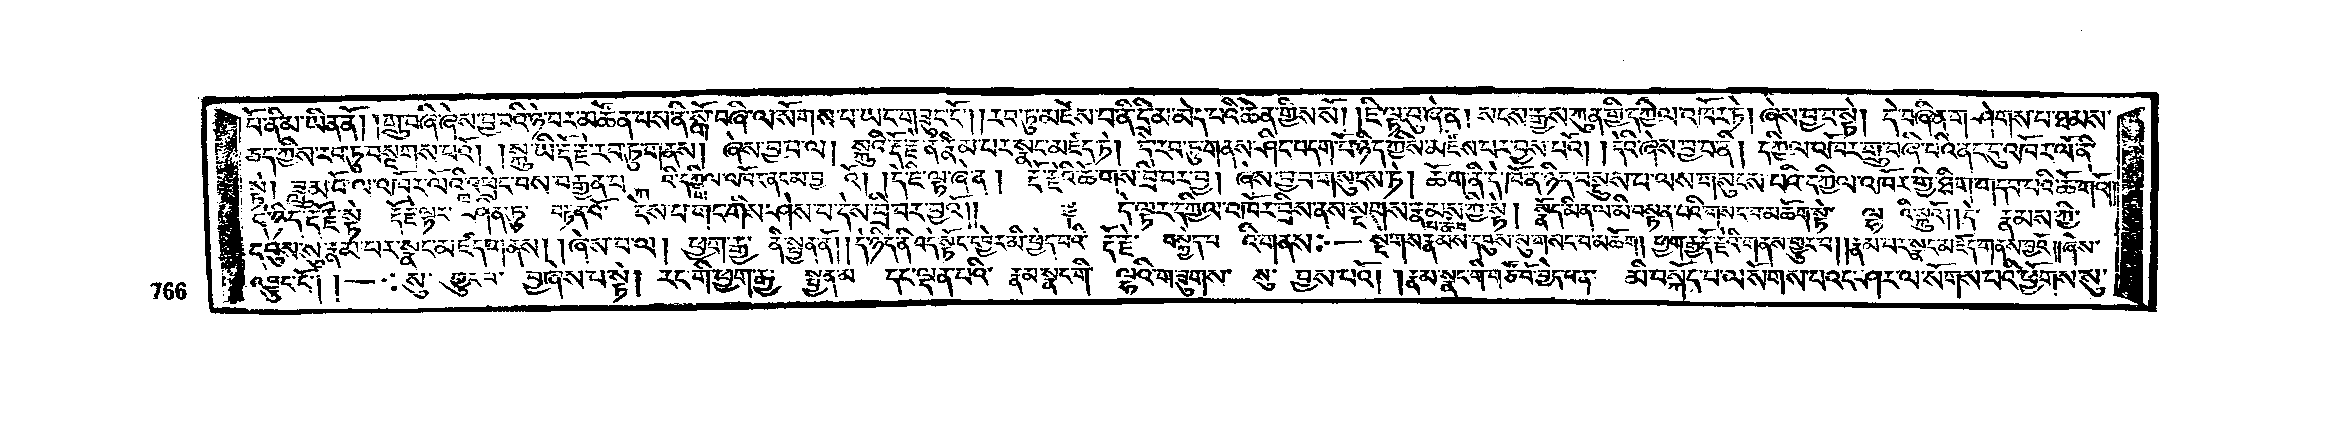པོ་ནི་མ་ཡིན་ནོ། །གྲུ་བཞི་ཞེས་བྱ་བའི་ཉེ་བར་མཚོན་པས་ནི་སྒོ་བཞི་ལ་སོགས་པ་ཡང་གཟུང་ངོ། །རབ་ཏུ་མཛེས་པ་ནི་དྲི་མ་མེད་པའི་ཚེན་གྱིས་སོ། །ཇི་ལྟ་བུ་ཞེ་ན། སངས་རྒྱས་ཀུན་གྱི་དཀྱིལ་འཁོར་ཏེ། ཞེས་བྱ་བ་སྟེ། དེ་བཞིན་གཤེགས་པ་ཐམས་
ཅད་ཀྱིས་རབ་ཏུ་བསྔགས་པའོ། །སྐུ་ཡི་རྡོ་རྗེ་རབ་ཏུ་གནས། ཞེས་བྱ་བ་ལ། སྐུའི་རྡོ་རྗེ་ནི་རྣམ་པར་སྣང་མཛད་ཏེ། དེ་རབ་ཏུ་གནས་ཤིང་བདག་པོ་ཉིད་ཀྱིས་མཛེས་པར་བྱས་པའོ། །དེའི་ཞེས་བྱ་བ་ནི། དཀྱིལ་འཁོར་གྲུ་བཞི་པའི་ནང་དུ་འཁོར་ལོ་ནི་
སྟེ། ཟླུམ་པོ་ལ་འཁོར་ལོའི་འཕྲེང་བས་བརྒྱན་པའི་དཀྱིལ་འཁོར་ནང་མ་བྱའོ། །དེ་ཇི་ལྟ་ཞེ་ན། རྡོ་རྗེའི་ཆོ་གས་བྲི་བར་བྱ། ཞེས་བྱ་བ་གསུངས་ཏེ། ཆོ་ག་ནི་དེ་ཁོ་ན་ཉིད་བསྡུས་པ་ལས་གསུངས་པའི་དཀྱིལ་འཁོར་གྱི་ཐིག་གདབ་པའི་ཆོ་གའོ།།
དེ་ཉིད་རྡོ་རྗེ་སྟེ་རྡོ་རྗེ་ལྟར་ཤིན་ཏུ་བརྟན་པོ་ངེས་པ་གང་གིས་ཤེས་པ་དེས་བྲི་བར་བྱའོ།། ༈ དེ་ལྟར་དཀྱིལ་འཁོར་བྲིས་ནས་སྔགས་རྣམས་ཀྱི་སྟེ། སྣོད་མིན་ལ་མི་བསྟན་པའི་གསང་བ་མཆོག་སྟེ་ལྷའི་སྐུའོ། །དེ་རྣམས་ཀྱི་
དབུས་སུ་རྣམ་པར་སྣང་མཛད་གནས། །ཞེས་པ་ལ། ཕྱག་རྒྱ་ནི་སྤྱན་ནོ། །དེ་ཉིད་ནི་བདེ་སྟོང་དབྱེར་མི་ཕྱེད་པའི་རྡོ་རྗེ་བསྐྱེད་པའི་གནསཿ་སྔགས་པ་ཚབ་རྣམས་དབུས་སུ་གསང་བ་མཆོག། ཕྱག་རྒྱ་རྡོ་རྗེའི་གནས་གྱུར་པ། །རྣམ་པར་སྣང་མཛད་གནས་བྱའོ། །ཞེས་
འབྱུང་ངོ། །.H སུ་གྱུར་པ་བྱ་ཞེས་པ་སྟེ། རང་གི་ཕྱག་རྒྱ་སྤྱན་མ་དང་ལྡན་པའི་རྣམ་སྣང་གི་ལྷའི་གཟུགས་སུ་བྱས་པའོ། །རྣམ་སྣང་གི་གཙོ་བོ་བྱེད་པ་ན་མི་བསྐྱོད་པ་ལ་སོགས་པའང་ཤར་ལ་སོགས་པའི་ཕྱོགས་སུ་